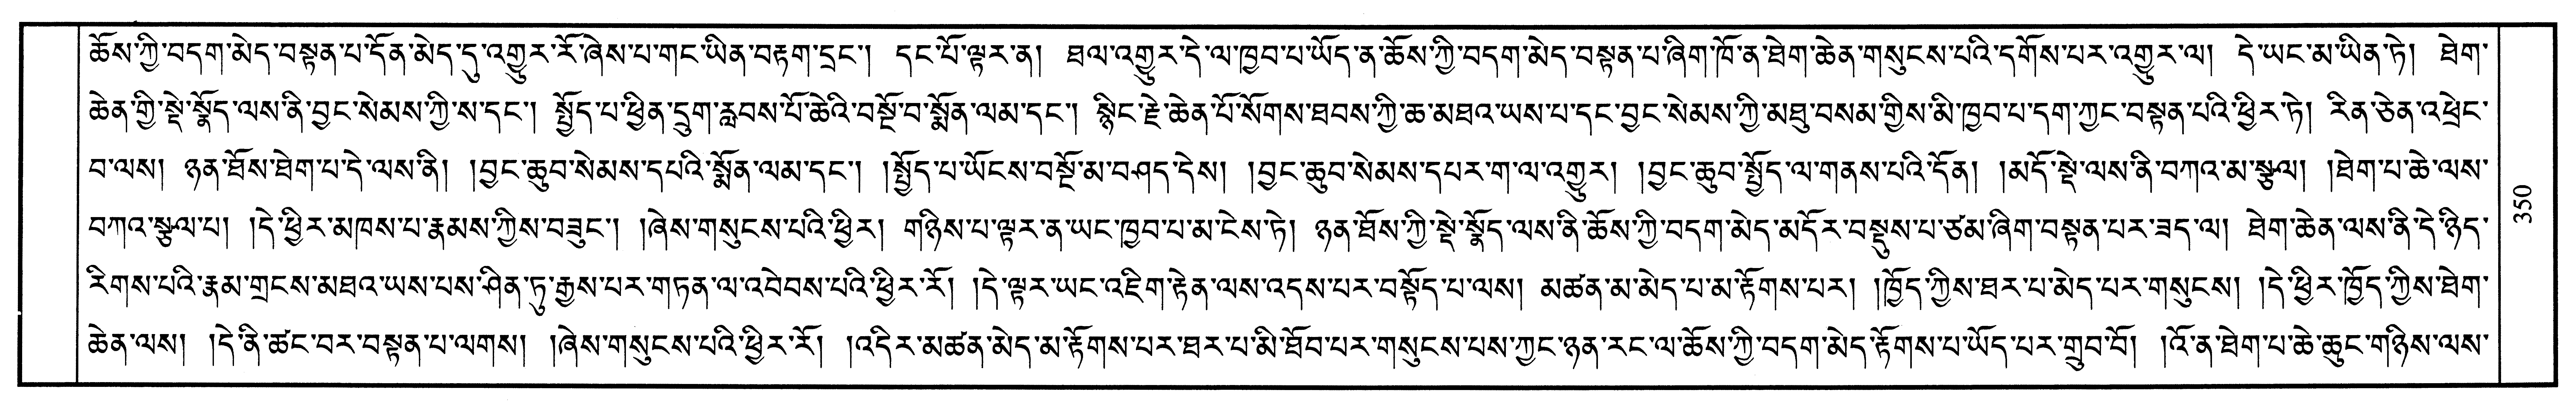ཆོས་ཀྱི་བདག་མེད་བསྟན་པ་དོན་མེད་དུ་འགྱུར་རོ་ཞེས་པ་གང་ཡིན་བརྟག་དྲང་། དང་པོ་ལྟར་ན། ཐལ་འགྱུར་དེ་ལ་ཁྱབ་པ་ཡོད་ན་ཆོས་ཀྱི་བདག་མེད་བསྟན་པ་ཞིག་ཁོ་ན་ཐེག་ཆེན་གསུངས་པའི་དགོས་པར་འགྱུར་ལ། དེ་ཡང་མ་ཡིན་ཏེ། ཐེག་
ཆེན་གྱི་སྡེ་སྣོད་ལས་ནི་བྱང་སེམས་ཀྱི་ས་དང་། སྤྱོད་པ་ཕྱིན་དྲུག་རླབས་པོ་ཆེའི་བསྔོ་བ་སྨོན་ལམ་དང་། སྙིང་རྗེ་ཆེན་པོ་སོགས་ཐབས་ཀྱི་ཆ་མཐའ་ཡས་པ་དང་བྱང་སེམས་ཀྱི་མཐུ་བསམ་གྱིས་མི་ཁྱབ་པ་དག་ཀྱང་བསྟན་པའི་ཕྱིར་ཏེ། རིན་ཅེན་འཕྲེང་
བ་ལས། ཉན་ཐོས་ཐེག་པ་དེ་ལས་ནི། །བྱང་ཆུབ་སེམས་དཔའི་སྨོན་ལམ་དང་། །སྤྱོད་པ་ཡོངས་བསྔོ་མ་བཤད་དེས། །བྱང་ཆུབ་སེམས་དཔར་ག་ལ་འགྱུར། །བྱང་ཆུབ་སྤྱོད་ལ་གནས་པའི་དོན། །མདོ་སྡེ་ལས་ནི་བཀའ་མ་སྩལ། །ཐེག་པ་ཆེ་ལས་
བཀའ་སྩལ་པ། །དེ་ཕྱིར་མཁས་པ་རྣམས་ཀྱིས་བཟུང་། །ཞེས་གསུངས་པའི་ཕྱིར། གཉིས་པ་ལྟར་ན་ཡང་ཁྱབ་པ་མ་ངེས་ཏེ། ཉན་ཐོས་ཀྱི་སྡེ་སྣོད་ལས་ནི་ཆོས་ཀྱི་བདག་མེད་མདོར་བསྡུས་པ་ཙམ་ཞིག་བསྟན་པར་ཟད་ལ། ཐེག་ཆེན་ལས་ནི་དེ་ཉིད་
རིགས་པའི་རྣམ་གྲངས་མཐའ་ཡས་པས་ཤིན་ཏུ་རྒྱས་པར་གཏན་ལ་འབེབས་པའི་ཕྱིར་རོ། །དེ་ལྟར་ཡང་འཇིག་རྟེན་ལས་འདས་པར་བསྟོད་པ་ལས། མཚན་མ་མེད་པ་མ་རྟོགས་པར། །ཁྱོད་ཀྱིས་ཐར་པ་མེད་པར་གསུངས། །དེ་ཕྱིར་ཁྱོད་ཀྱིས་ཐེག་
ཆེན་ལས། །དེ་ནི་ཚང་བར་བསྟན་པ་ལགས། །ཞེས་གསུངས་པའི་ཕྱིར་རོ། །འདིར་མཚན་མེད་མ་རྟོགས་པར་ཐར་པ་མི་ཐོབ་པར་གསུངས་པས་ཀྱང་ཉན་རང་ལ་ཆོས་ཀྱི་བདག་མེད་རྟོགས་པ་ཡོད་པར་གྲུབ་བོ། །འོ་ན་ཐེག་པ་ཆེ་ཆུང་གཉིས་ལས་